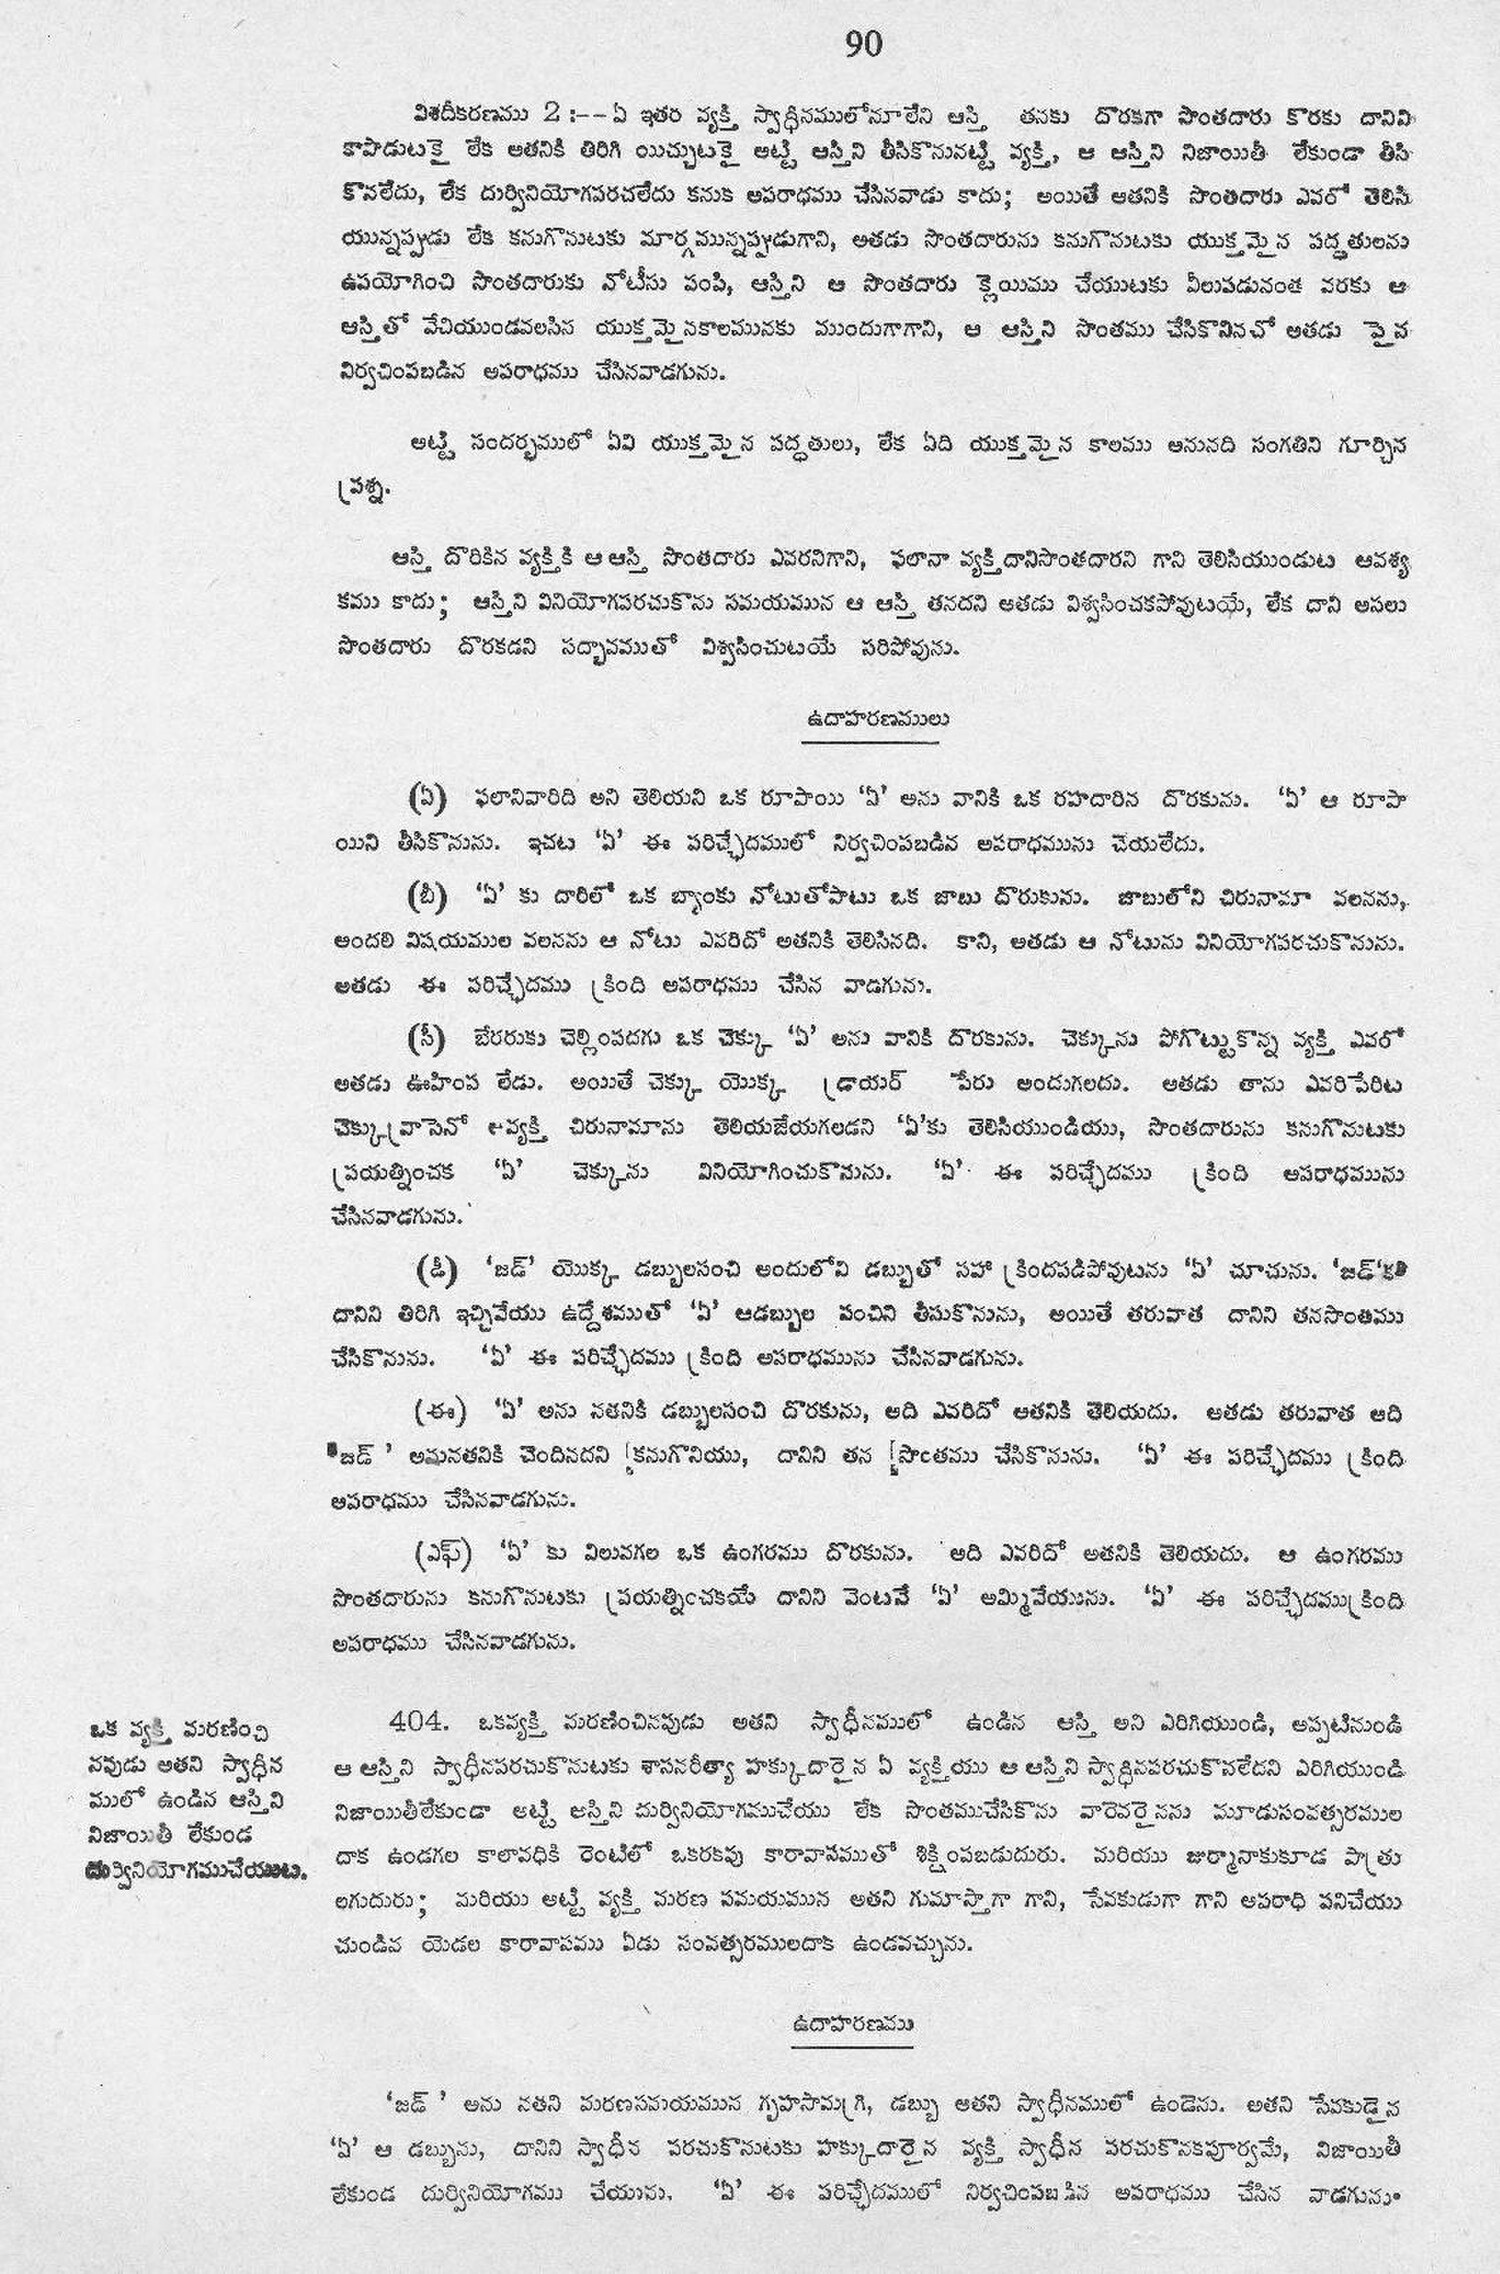విశదీకరణము 2 :-- ఏ ఇతర వ్యక్తి స్వాధీనములోనూ లేని ఆస్తి తనకు దొరకగా సొంతదారు కొరకు దానిని కాపాడుటకై లేక అతనికి తిరిగి యిచ్చుటకై అట్టి ఆస్తిని తీసికొనునట్టి వ్యక్తి, ఆ ఆస్తిని నిజాయితీ లేకుండా తీసికొనలేదు, లేక దుర్వినియోగపరచలేదు కనుక అపరాధము చేసినవాడు కాదు; అయితే అతనికి సొంతదారు ఎవరో తెలిసి యున్నప్పుడు లేక కనుగొనుటకు మార్గ మున్నప్పుడుగాని, అతడు సొంతదారును కనుగొనుటకు యుక్తమైన పద్ధతులనుఉపయోగించి సొంతదారుకు నోటీసు పంపి, ఆస్తిని ఆ సొంతదారు క్లెయిము చేయుటకు వీలుపడునంత వరకు ఆ ఆస్తి తో వేచియుండవలసిన యుక్త మై సకాలమునకు ముందుగా గాని, ఆ ఆస్తిని సొంతము చేసికొనినచో అతడు పైన నిర్వచింపబడిన అపరాధము చేసినవాడగును.

అట్టి సందర్భములో ఏవి యుక్త మైన పద్ధతులు, లేక ఏది యుక్తమైన కాలము అనునది సంగతిని గూర్చిన ప్రశ్న.

ఆస్తి దొరికిన వ్యక్తికి ఆ ఆస్తి సొంతదారు ఎవరనిగాని, ఫలానా వ్యక్తి దాని సొంతదారని గాని తెలిసియుండుట ఆవశ్యకము కాదు; ఆస్తిని వినియోగపరచుకొను సమయమున ఆ ఆస్తి తనదని అతడు విశ్వసించకపోవుటయే, లేక దాని అసలు సొంతదారు దొరకడని సద్భావముతో విశ్వసించుటయే సరిపోవును.

(ఏ) ఫలానివారిది అని తెలియని ఒక రూపాయి 'ఏ' అను వానికి ఒక రహదారిన దొరకును. 'ఏ' ఆ రూపాయిని తీసికొనును. ఇచట 'ఏ' ఈ పరిచ్ఛేదములో నిర్వచింపబడిన అపరాధమును చేయలేదు.

(బి) 'ఏ' కు దారిలో ఒక బ్యాంకు నోటుతోపాటు ఒక జాబు దొరుకును. జాబులోని చిరునామా వలనను,అందలి విషయముల వలనను ఆ నోటు ఎవరిదో అతనికి తెలిసినది. కాని, అతడు ఆ నోటును వినియోగపరచుకొనును. అతడు ఈ పరిచ్ఛేదము క్రింది అపరాధము చేసిన వాడగును.

(సీ) బేరరుకు చెల్లింపదగు ఒక చెక్కు 'ఏ' అను వానికి దొరకును. చెక్కును పోగొట్టు కొన్న వ్యక్తి ఎవరో అతడు ఊహింప లేడు. అయితే చెక్కు యొక్క డ్రాయర్ పేరు అందుగలదు. అతడు తాను ఎవరి పేరిట చెక్కు వ్రాసెనో ఆవ్యక్తి చిరునామాను తెలియజేయగలడని 'ఏ'కు తెలిసియుండియు, సొంతదారును కనుగొనుటకు ప్రయత్నించక 'ఏ' చెక్కును వినియోగించుకొనును. 'ఏ'. ఈ పరిచ్ఛేదము క్రింది అపరాధమును చేసినవాడగును.

(డీ) 'జడ్' యొక్క డబ్బులసంచి అందులోని డబ్బుతో సహా క్రిందపడిపోవుటను 'ఏ' చూచును. 'జడ్'కు దానిని తిరిగి ఇచ్చివేయు ఉద్దేశముతో 'ఏ' ఆడబ్బుల సంచిని తీసుకొనును, అయితే తరువాత దానిని తనసొంతము చేసికొనును. “ఏ' ఈ పరిచ్ఛేదము క్రింది అపరాధమును చేసినవాడగును.

(ఈ) 'ఏ' అను నతనికి డబ్బులసంచి దొరకును, అది ఎవరిదో అతనికి తెలియదు. ఆతడు తరువాత ఆది 'జడ్ ' అనునతనికి చెందినదని కనుగొనియు, దానిని తన సొంతము చేసికొనును. 'ఏ' ఈ పరిచ్ఛేదము క్రింది అపరాధము చేసినవాడగును.

(ఎఫ్) 'ఏ' కు విలువగల ఒక ఉంగరము దొరకును. అది ఎవరిదో అతనికి తెలియదు. ఆ ఉంగరము సొంతదారును కనుగొనుటకు ప్రయత్నించకయే దానిని వెంటనే 'ఏ' అమ్మివేయును. 'ఏ' ఈ పరిచ్ఛేదము క్రింది అపరాధము చేసినవాడగును.

ఒక వ్యక్తి మరణించి నవుడు అతని స్వాధీనములో ఉండిన ఆస్తిని నిజాయితీ లేకుండ దుర్వినియోగముచేయుట.

404. ఒకవ్యక్తి మరణించినపుడు అతని స్వాధీనములో ఉండిన ఆస్తి అని ఎరిగియుండి, అప్పటినుండి ఆ ఆస్తిని స్వాధీనపరచుకొనుటకు శాసనరీత్యా హక్కుదారైన ఏ వ్యక్తియు ఆ ఆస్తిని స్వాధీనపరచుకొనలేదని ఎరిగియుండి నిజాయితీ లేకుండా అట్టి ఆస్తిని దుర్వినియోగముచేయు లేక సొంతము చేసికొను వారెవరైనను మూడు సంవత్సరముల దాక ఉండగల కాలావధికి రెంటిలో ఒకరకపు కారావాసముతో శిక్షింపబడుదురు. మరియు జుర్మానాకుకూడ పాత్రులగుదురు; మరియు అట్టి వ్యక్తి మరణ సమయమున అతని గుమాస్తాగా గాని, సేవకుడుగా గాని ఆపరాధి వనిచేయుచుండిన యెడల కారావాసము ఏడు సంవత్సరములదాక ఉండవచ్చును.

'జడ్ ' అను నతని మరణ సమయమున గృహసామగ్రి, డబ్బు ఆతని స్వాధీనములో ఉండెను. అతని సేవకుడైన 'ఏ' ఆ డబ్బును, దానిని స్వాధీన పరచుకొనుటకు హక్కుదారైన వ్యక్తి స్వాధీన పరచుకొనకపూర్వమే, నిజాయితీ లేకుండ దుర్వినియోగము చేయును, 'ఏ' ఈ పరిచ్ఛేదములో నిర్వచింపబడిన అపరాధము చేసిన వాడగును.